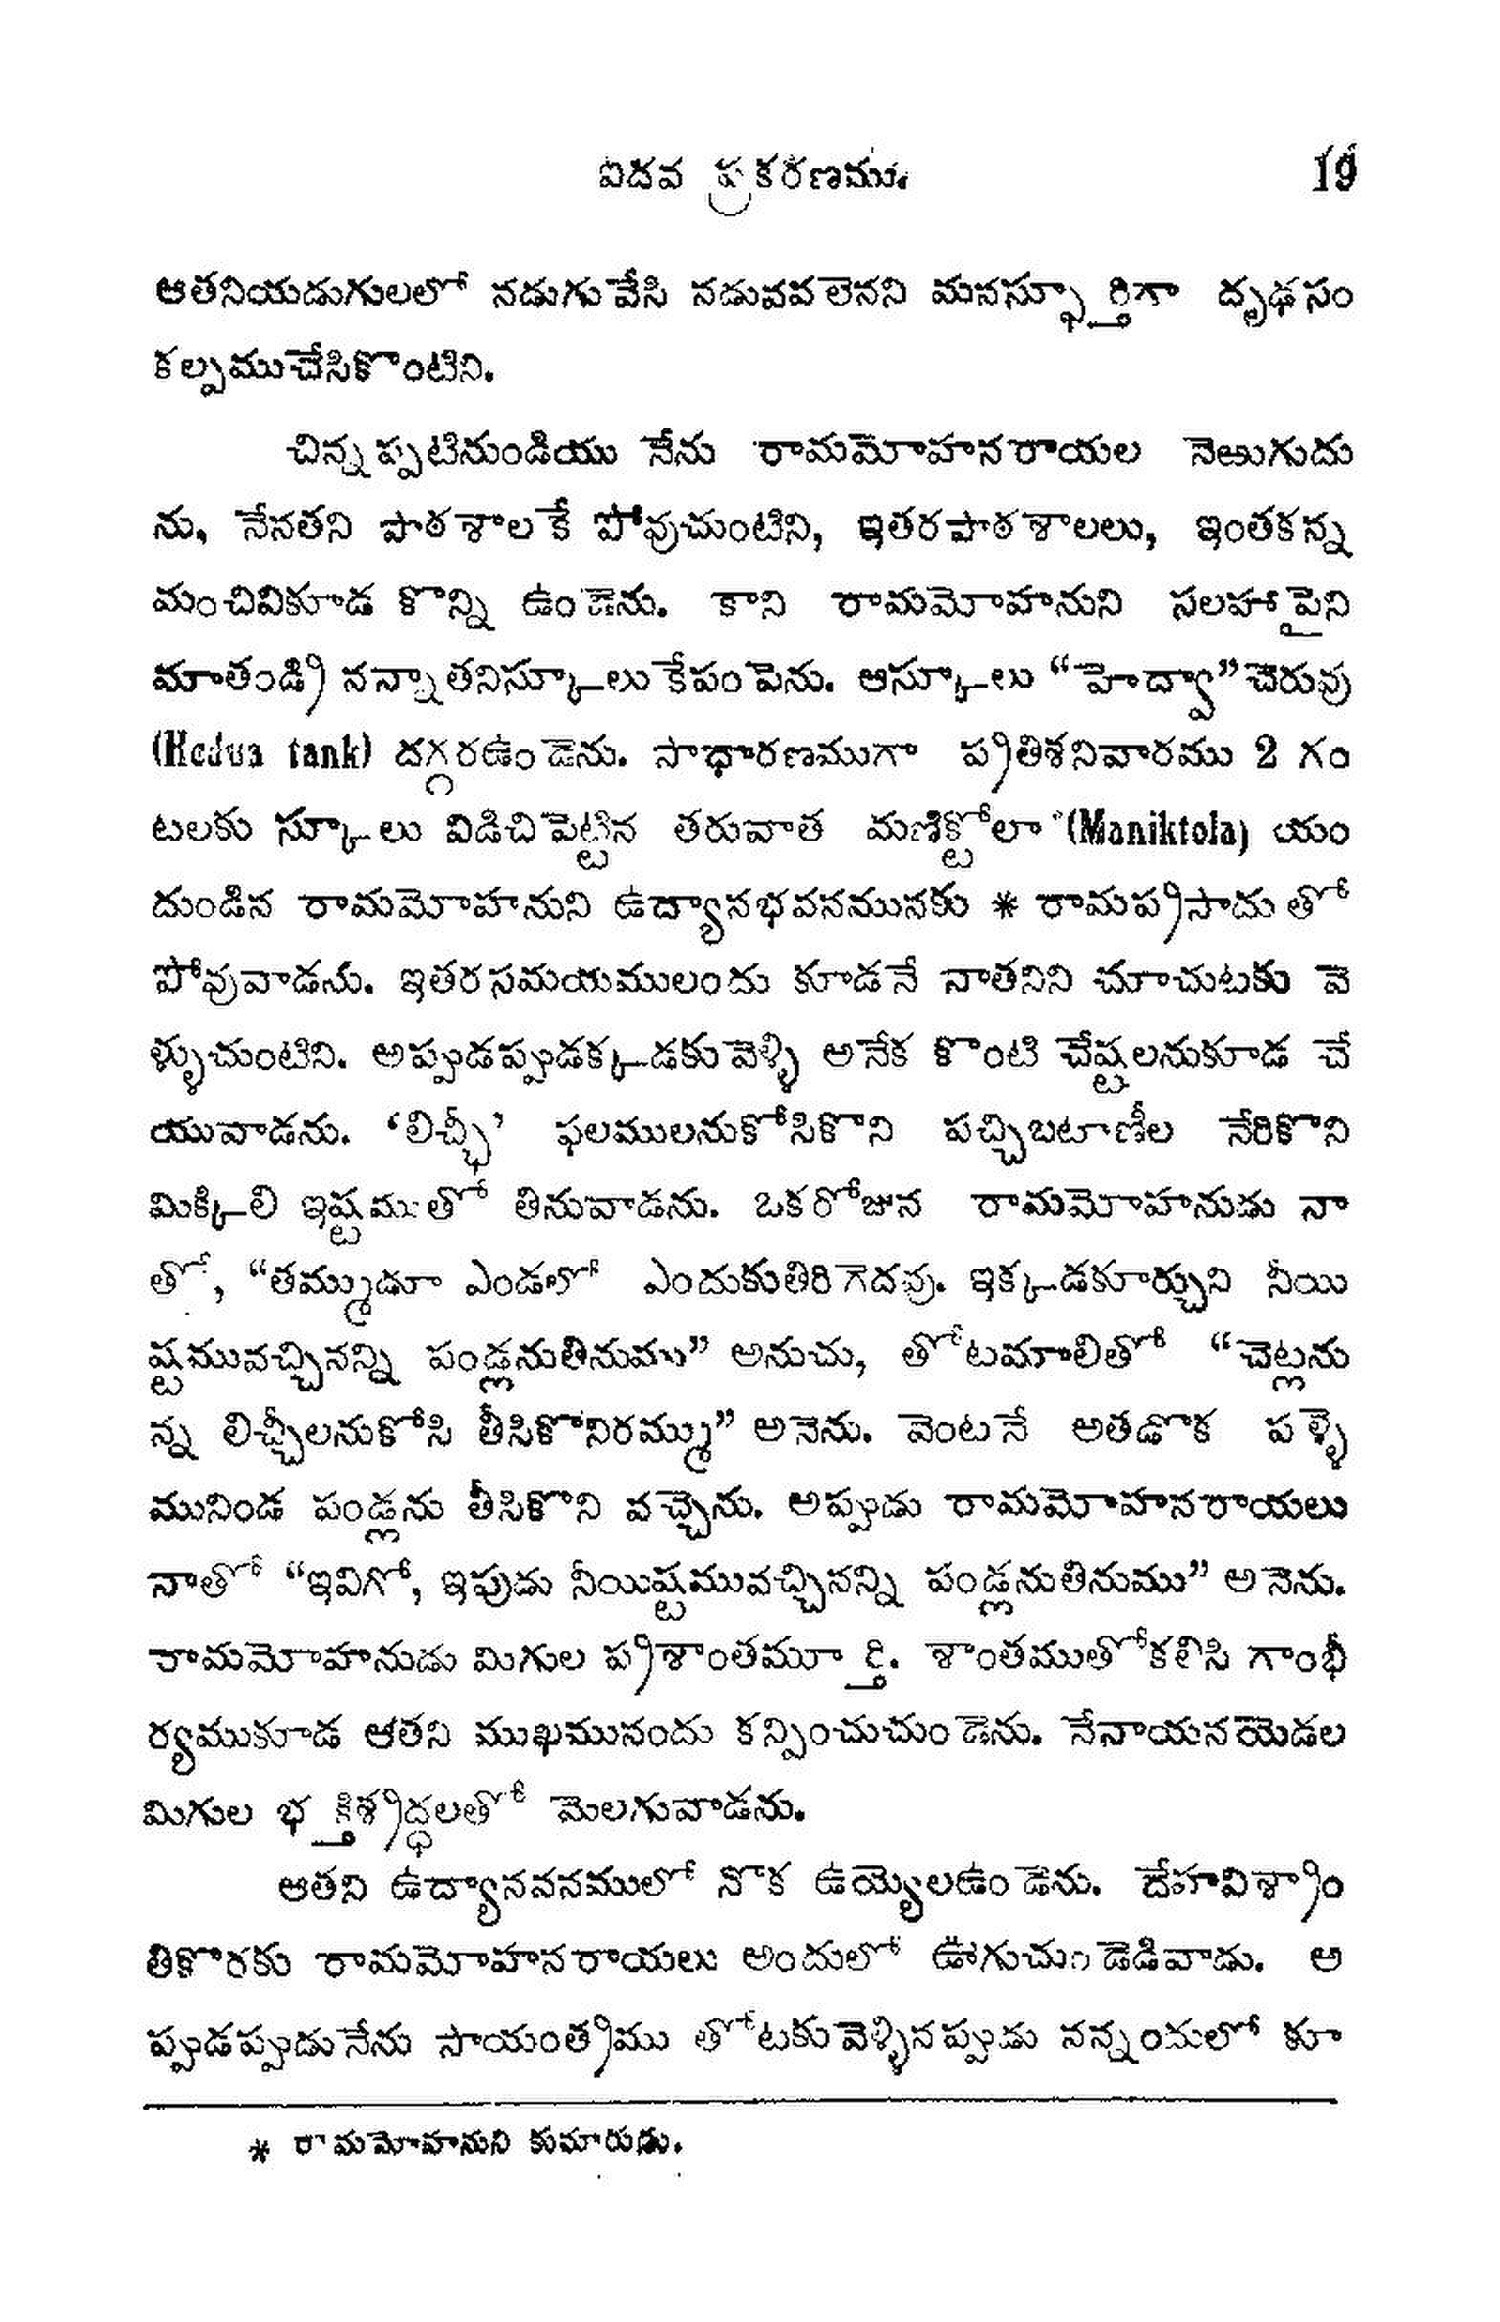ఆతని యడుగులలో నడుగు వేసి నడువవలెనని మనస్పూర్తిగా దృఢ సంకల్పము చేసికొంటిని. 

చిన్నప్పటి నుండియు నేను రామమోహనరాయల నెఱుగుదును, 'నేనతని పాఠశాల కే పోవుచుంటిని, ఇతర పాఠశాలలు, ఇంతకన్న మంచివికూడ కొన్ని ఉం కాను. కాని రామమోహనుని సలహా పైని మాతండ్రి నన్నాతనిస్కూలుకే పం పెను. ఆస్కూలు “హెద్వా" చెరువు (hedua tank) దగ్గర ఉండెను. సాధారణముగా ప్రతి శనివారము 2 గంటలకు స్కూలు విడిచి పెట్టిన తరువాత మణిక్టోలా (Maniktola) యందుండిన రామమోహనుని ఉద్యాసభవనమునకు రామప్రసాదుతో పోవువాడను. ఇతర సమయములందు కూడ నేనాతనిని చూచుటకు వెళ్ళుచుంటిని. అప్పుడ ప్పుడక్కడకు వెళ్ళి అనేక కొంటి చేష్టలనుకూడ చేయువాడను. 'లిచ్చీ' ఫలములనుకోసికొని పచ్చి బటాణీల నేరికొని మిక్కిలి ఇష్టముతో తినువాడను. ఒక రోజున రామమోహనుడు నాతో, “తమ్ముడూ ఎండలో ఎందుకు తిరిగెదవు. ఇక్కడ కూర్చుని నీయిష్టమువచ్చినన్ని పండ్లను తినుము” అనుచు, తోటమాలితో “చెట్లనున్న లిచ్చీలను కోసి తీసికొనిరమ్ము” అనెను. వెంటనే అతడొక పళ్ళెమునిండ పండ్లను తీసికొని వచ్చెను. అప్పుడు రామమోహనరాయలు నాతో “ఇవిగో, ఇపుడు నీ యిష్టమువచ్చినన్ని పండ్లను తినుము” అనెను. కామమోహనుడు మిగుల ప్రశాంతమూర్తి. శాంతముతో కలిసి గాంభీర్యముకూడ ఆతని ముఖము నందు కన్పించు చుండెను. నేనాయన యెడల మిగుల భక్తిశ్రద్ధలతో మెలగువాడను.

ఆతని ఉద్యాన వనములో నొక ఉయ్యెలఉండెను. "దేహవిశ్రాంతికొరకు రామమోహన రాయలు అందులో ఊగుచు డెడివాడు. ఆ ప్పుడప్పుడు నేను సాయంత్రము తోటకు వెళ్ళినప్పుడు నన్నందులో కూ